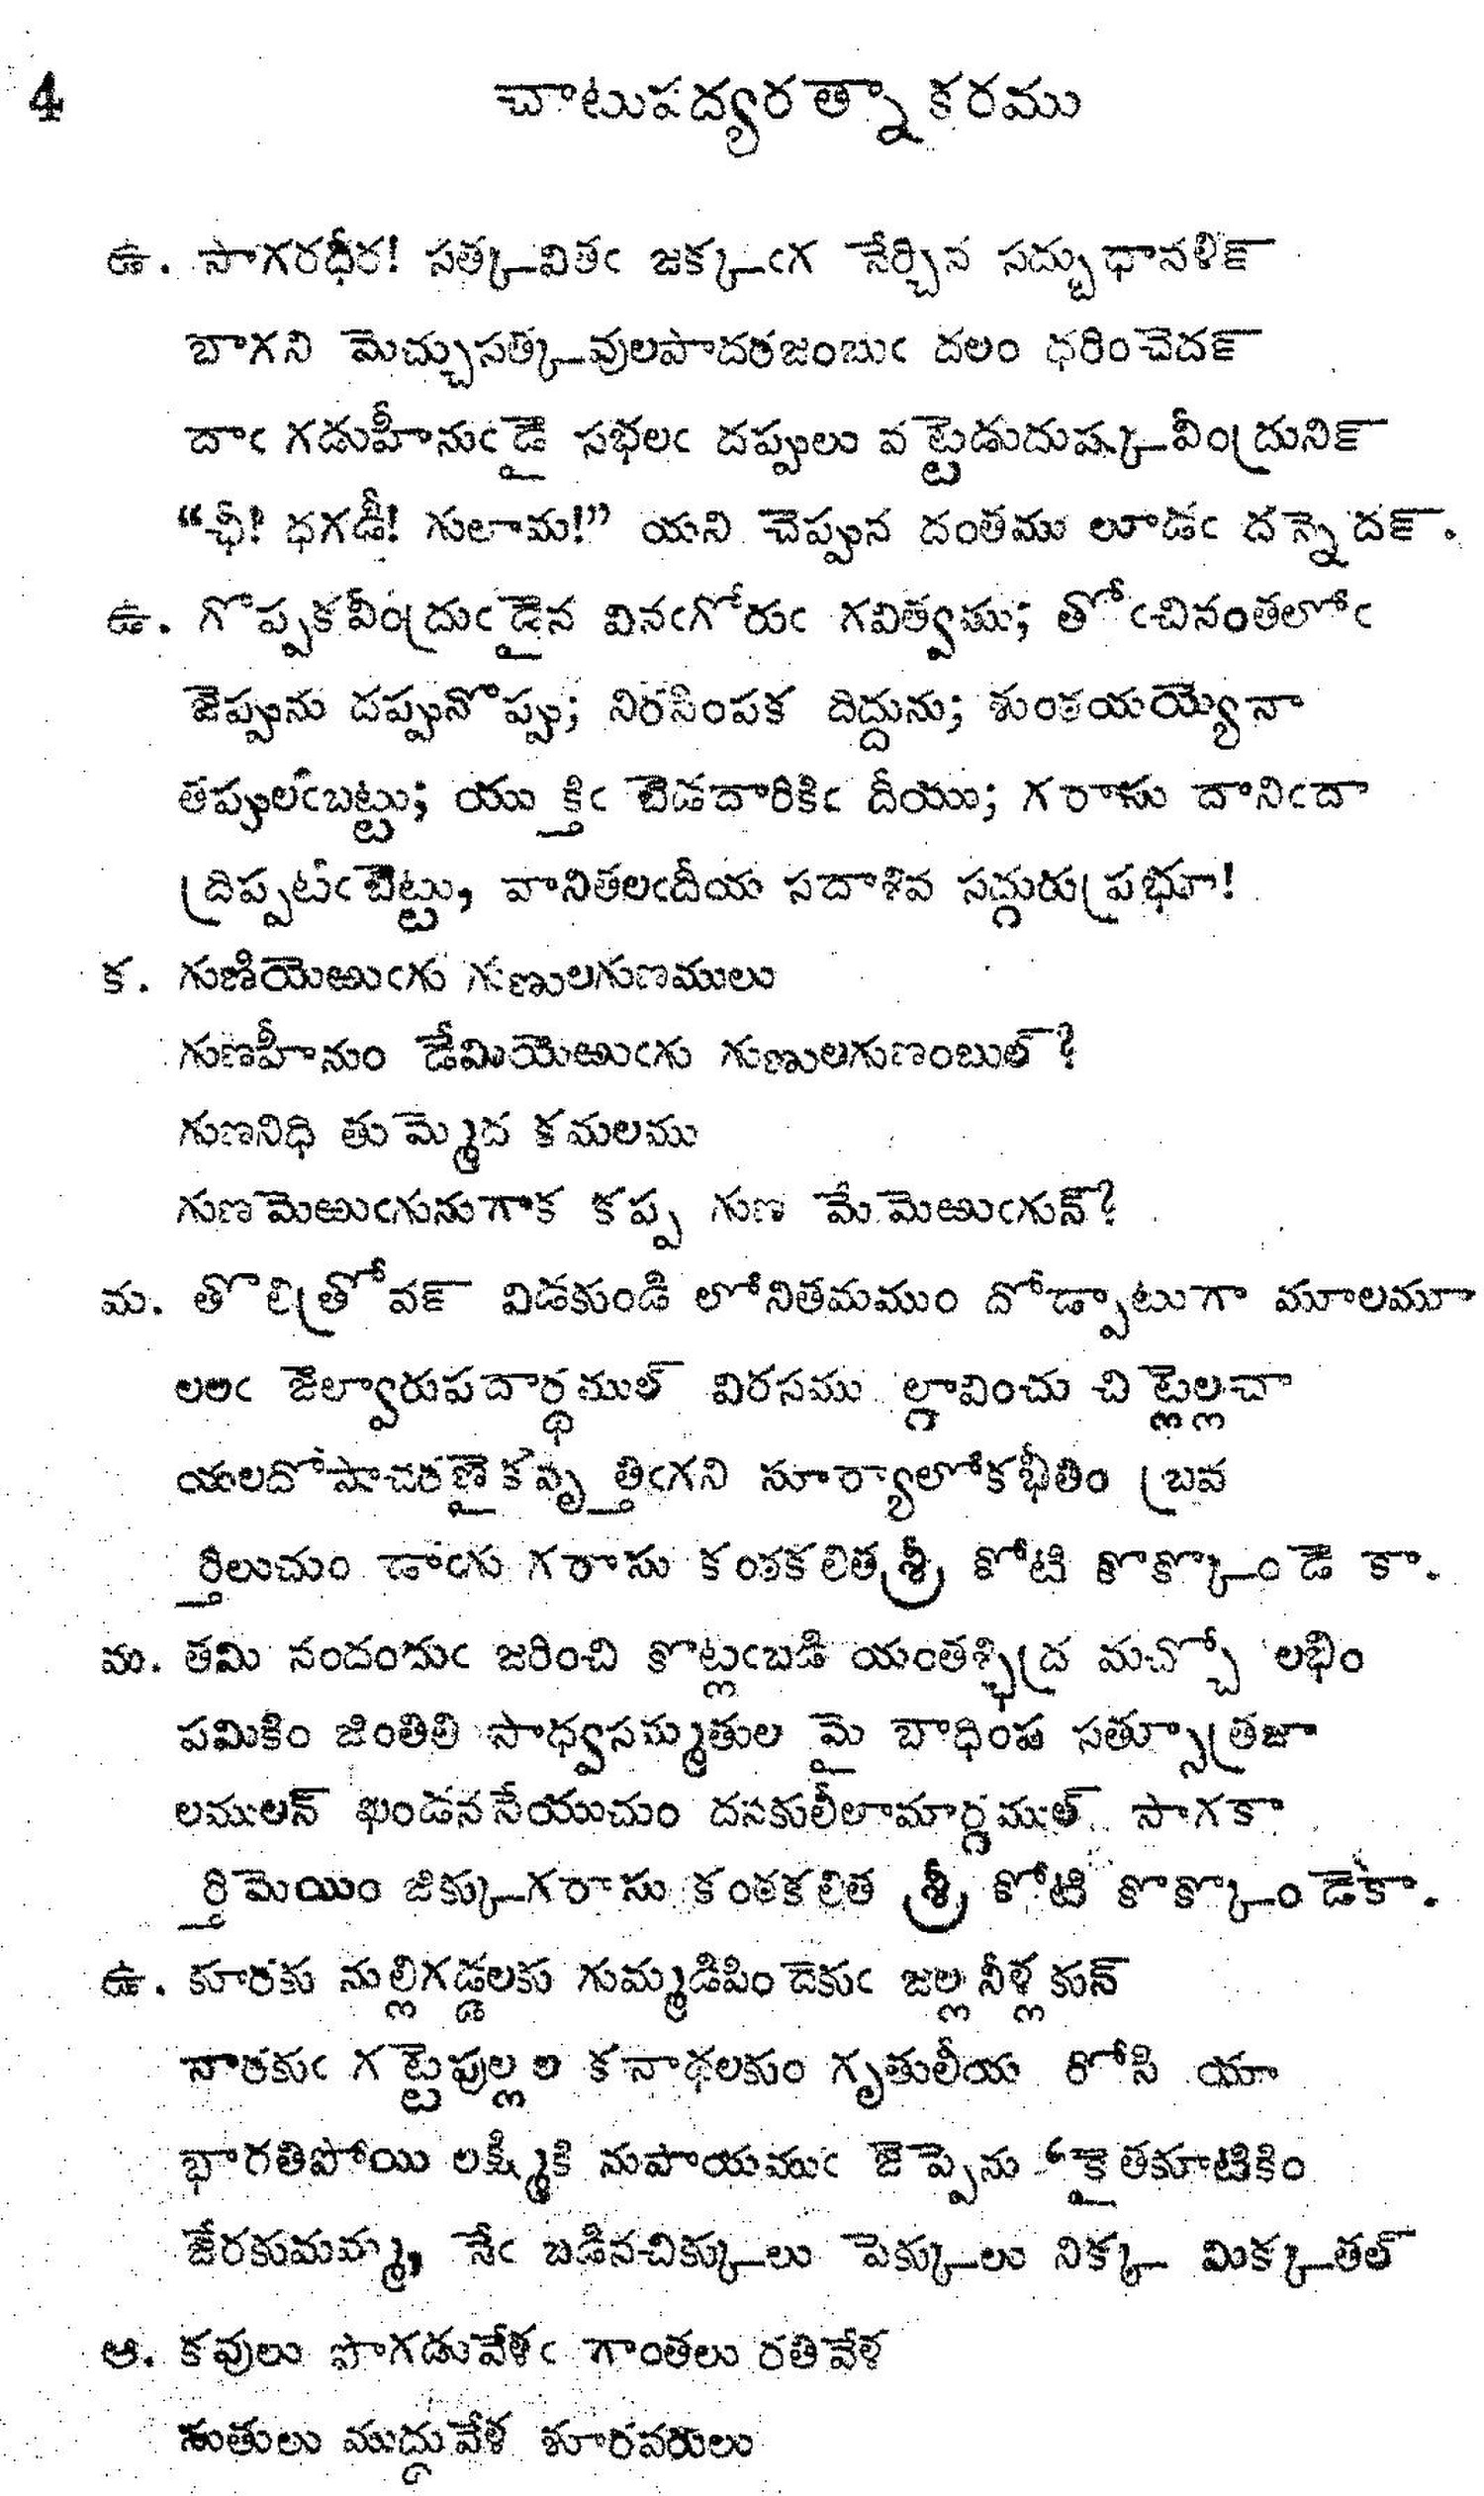ఉ. సాగరధీర! సత్కవితఁ జక్కఁగ నేర్చిన సద్బుధావళిన్
 బాగని మెచ్చు సత్కవులపాదరజంబుఁ దలం ధరించెదన్
 దాఁ గడుహీనుఁడై సభలఁ దప్పులు వట్టెడు దుష్కవీంద్రునిన్
 “ఛీ! దగడీ! గులామ!” యని చెప్పున దంతము లూడఁ దన్నెదన్.

ఉ. గొప్పకవీంద్రుఁడైన వినఁగోరుఁ గవిత్వము; తోఁచినంతలోఁ
 జెప్పును దప్పునొప్పు; నిరసింపక దిద్దును; శుంఠ యయ్యెనా
 తప్పులఁబట్టు; యుక్తిఁ బెడదారికిఁ దీయు; గరాసు దానిఁదా
 ద్రిప్పటఁబెట్టు, వాని తలఁదీయ సదాశివసద్గురుప్రభూ!

క. గుణి యెఱుఁగు గుణులగుణములు
 గుణహీనుం డేమి యెఱుఁగు గుణులగుణంబుల్?
 గుణనిధి తుమ్మెద కమలము
 గుణ మెఱుఁగునుగాక కప్ప గుణ మే మెఱుఁగున్?

మ. తొలిత్రోవన్ విడకుండి లోనితమముం దోడ్పాటుగా మూలమూ
 లలఁ జెల్వారుపదార్థముల్ విరసము ల్గావించు చిట్లెల్లచా
 యలదోషాచరణైకవృత్తిఁ గని సూర్యాలోకభీతిం బ్రవ
 ర్తిల్లుచుఁ డాఁగు గరాసు కంఠకలిత శ్రీ కోటి కొక్కొండె కా.

మ. తమి నందందుఁ జరించి కొట్లఁబడి యంతశ్ఛిద్ర మచ్చో లభిం
 పమికిం జింతిలి సాధ్వసమ్మతుల మై బాధింప సత్సూత్రజా
 లములన్ ఖండన సేయుచుం దనకులీలామార్గముల్ సాగకా
 ర్తిమెయిం జిక్కు గరాసు కంఠకలిత శ్రీ కోటి కొక్కొండె కా.

ఉ. కూరకు నుల్లిగడ్డలకు గుమ్మడిపిందెకుఁ జల్లనీళ్ళకున్
 నారకుఁ గట్టెపుల్లల కనాథలకుం గృతులీయ రోసి యా
 భారతి పోయి లక్ష్మికి నుపాయముఁ జెప్పెను ‘కైతకూటికిం
 జేరకుమమ్మ, నేఁ బడిన చిక్కులు పెక్కులు నిక్క మిక్కతల్.’

క. కవులు పొగడువేళఁ గాంతలు రతివేళ
 సుతులు ముద్దువేళ శూరవరులు